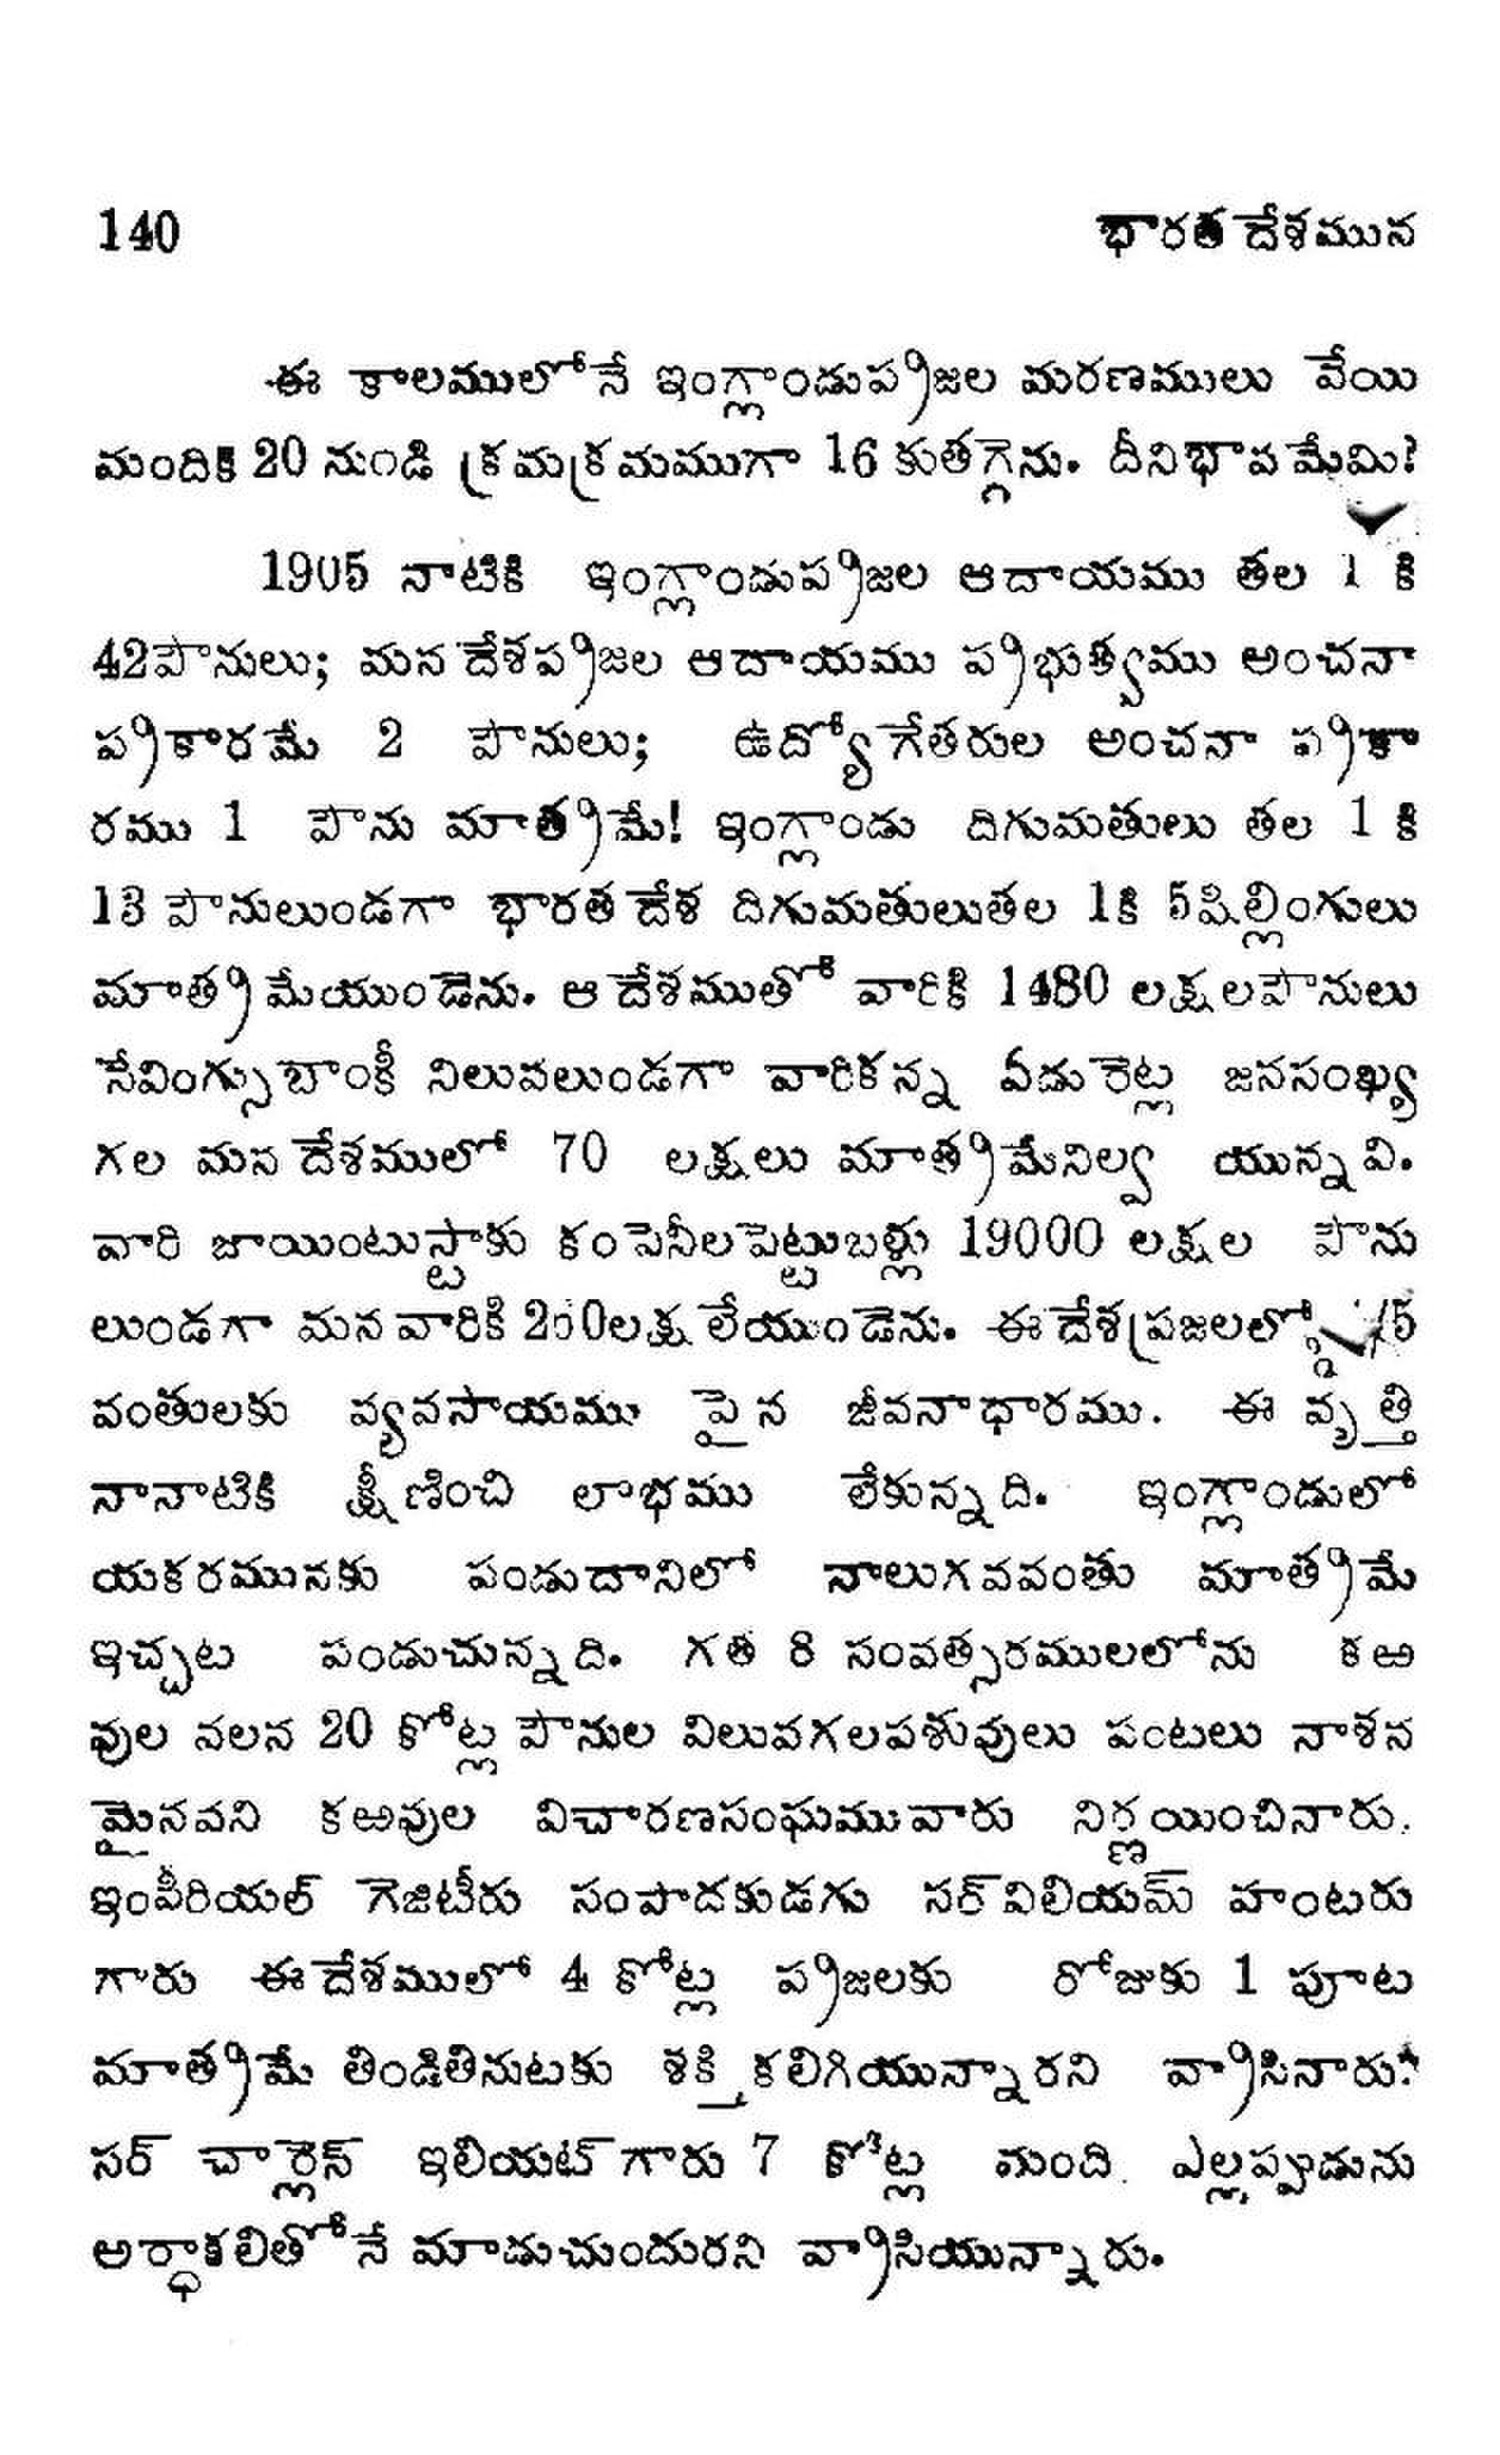ఈ కాలములోనే ఇంగ్లాండుప్రజల మరణములు వేయిమందికి 20 నుండి క్రమక్రమముగా 16 కు తగ్గెను. దీనిభావమేమి?

1905 నాటికి ఇంగ్లాండుప్రజల ఆదాయము తల 1 కి 42 పౌనులు; మన దేశప్రజల ఆదాయము ప్రభుత్వము అంచనా ప్రకారమే 2 పౌనులు; ఉద్యోగేతరుల అంచనా ప్రకారము 1 పౌను మాత్రమే! ఇంగ్లాండు దిగుమతులు తల 1 కి 13 పౌనులుండగా భారతదేశ దిగుమతులు తల 1కి 5 షిల్లింగులు మాత్రమేయుండెను. ఆదేశముతో వారికి 1480 లక్షలపౌనులు సేవింగ్సుబాంకీ నిలువలుండగా వారికన్న ఏడురెట్ల జనసంఖ్యగల మనదేశములో 70 లక్షలు మాత్రమేనిల్వ యున్నవి. వారి జాయింటుస్టాకు కంపెనీలపెట్టుబళ్లు 19000 లక్షల పౌను లుండగా మనవారికి 260 లక్షలేయుండెను. ఈదేశప్రజలలో --5 వంతులకు వ్యవసాయము పైన జీవనాధారము. ఈ వృత్తి నానాటికి క్షీణించి లాభము లేకున్నది. ఇంగ్లాండులో యకరమునకు పండుదానిలో నాలుగవవంతు మాత్రమే ఇచ్చట పండుచున్నది. గత 8 సంవత్సరములలోను కఱవుల వలన 20 కోట్ల పౌనుల విలువగల పశువులు పంటలు నాశనమైనవని కఱవుల విచారణసంఘమువారు నిర్ణయించినారు. ఇంపీరియల్ గెజిటీరు సంపాదకుడగు సర్ విలియమ్ హంటరుగారు ఈ దేశములో 4 కోట్ల ప్రజలకు రోజుకు 1 పూట మాత్రమే తిండితినుటకు శక్తి కలిగియున్నారని వ్రాసినారు. సర్ చార్లెస్ ఇలియట్ గారు 7 కోట్ల మంది. ఎల్లప్పుడును అర్ధాకలితోనే మాడుచుందురని వ్రాసియున్నారు.